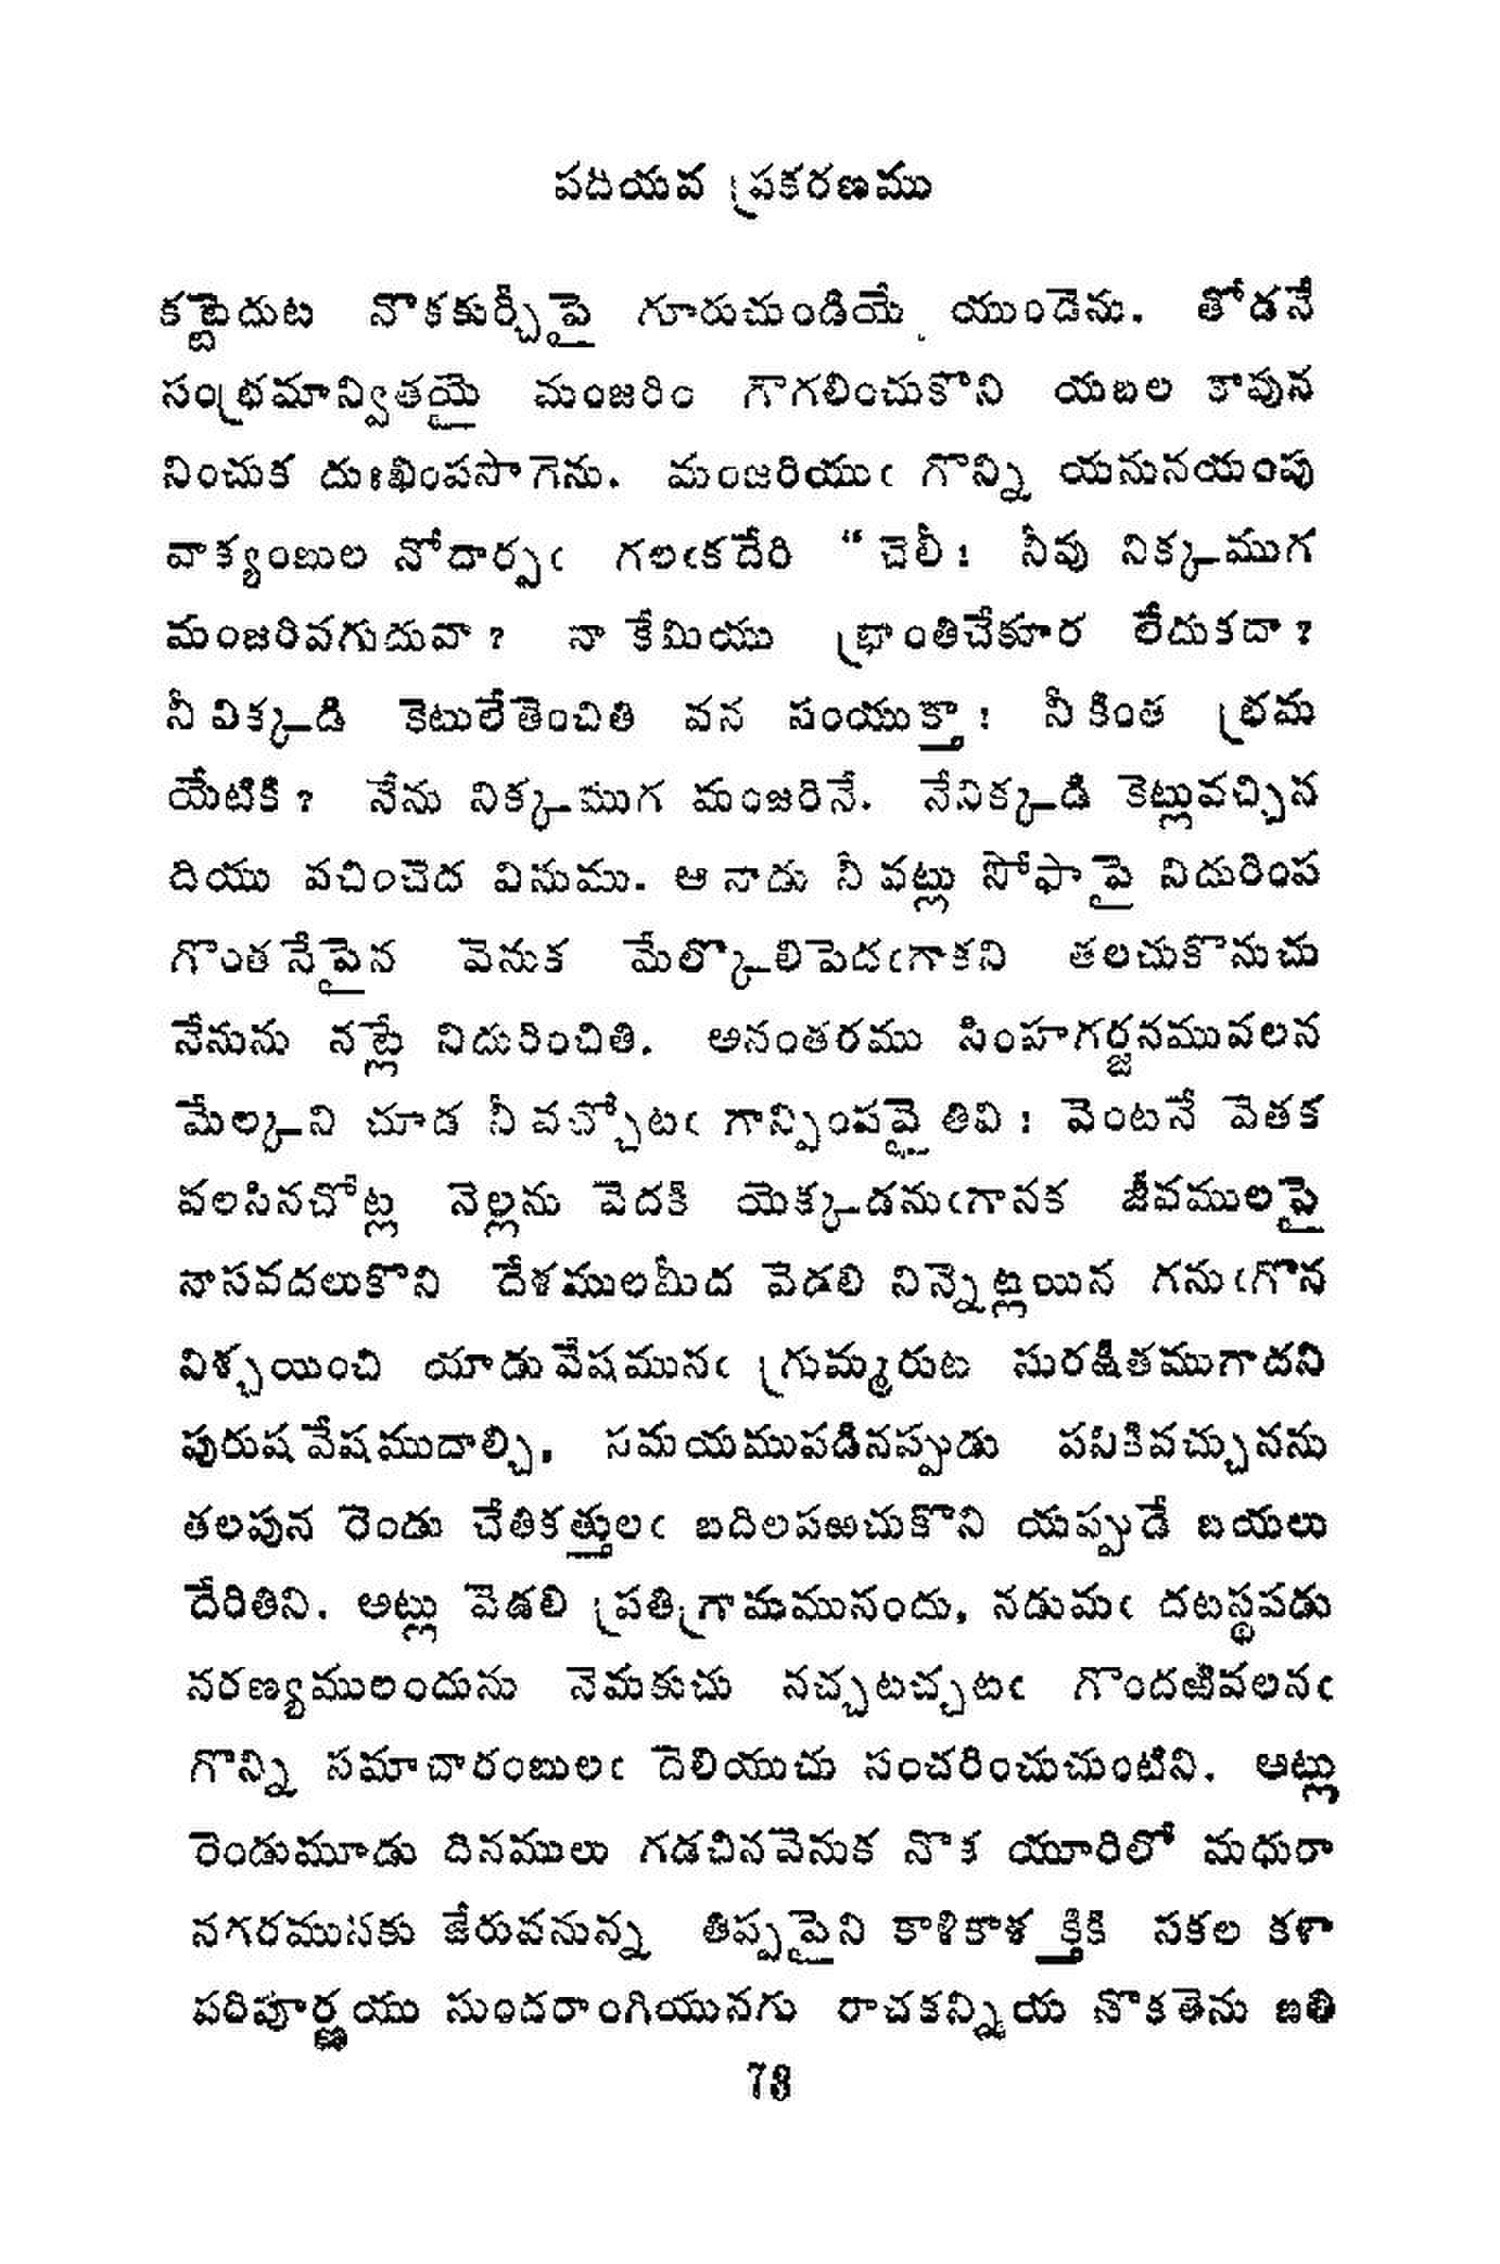కట్టెదుట నొకకుర్చీపై గూరుచుండియే యుండెను. తోడనే సంభ్రమాన్వితమై మంజరి, గౌగలించుకొని యబల కావున నించుక దుఃఖింపసాగెను. మంజరియుఁ గొన్ని యనునయంపు వాక్యంబుల నోదార్పఁ గలఁకదేరి "చెలీ ! నీవు నిక్కముగ మంజరివగుదువా? నా కేమియు భ్రాంతిచేకూర లేదుకదా? నీ విక్కడి కెటులేతెంచితి వన సంయుక్తా! నీ కింత భ్రమ యేటికి? నేను నిక్కముగ మంజరినే. నేనిక్కడి కెట్లువచ్చినదియు వచించెద వినుము. ఆ నాడు నీ వట్లు సోఫాపై నిదురింప గొంతసేపైన వెనుక మేల్కొలిపెదఁగాకని తలచుకొనుచు నేనును నట్లే నిదురించితి. అనంతరము సింహగర్జనమువలన మేల్కని చూడ నీవచ్చోటఁ గాన్పింపవైతివి ! వెంటనే వెతక వలసినచోట్ల నెల్లను వెదకి యెక్కడనుఁగానక జీవములపై నాసవదలుకొని దేశములమీద వేడలి నిన్నెట్లయిన గనుఁగొన విశ్చయించి యాడువేషమునఁ గ్రుమ్మరుట సురక్షితముగాదని పురుషవేషముదాల్చి, సమయముపడినప్పుడు పనికివచ్చునను తలపున రెండు చేతికత్తులఁ బదిలపఱుచుకొని యప్పుడే బయలు దేరితిని. అట్లు వెడలి ప్రతి గ్రామమునందు, నడుమఁ దటస్థపడు నరణ్యములందును నెమకుచు నచ్చటచ్చటఁ గొందఱివలనఁ కొన్ని సమాచారంబులఁ దెలియుచు సంచరించుచుంటిని. ఆట్లురెండుమూడు దినములు గడచిన వెనుక నొక యూరిలో మధురా నగరమునకు జేరువనున్న తిప్పపైని కాళికాశ క్తికి సకల కళాపరిపూర్ణయు సుందరాంగియునగు రాచకన్నియ నొక తెను బలి